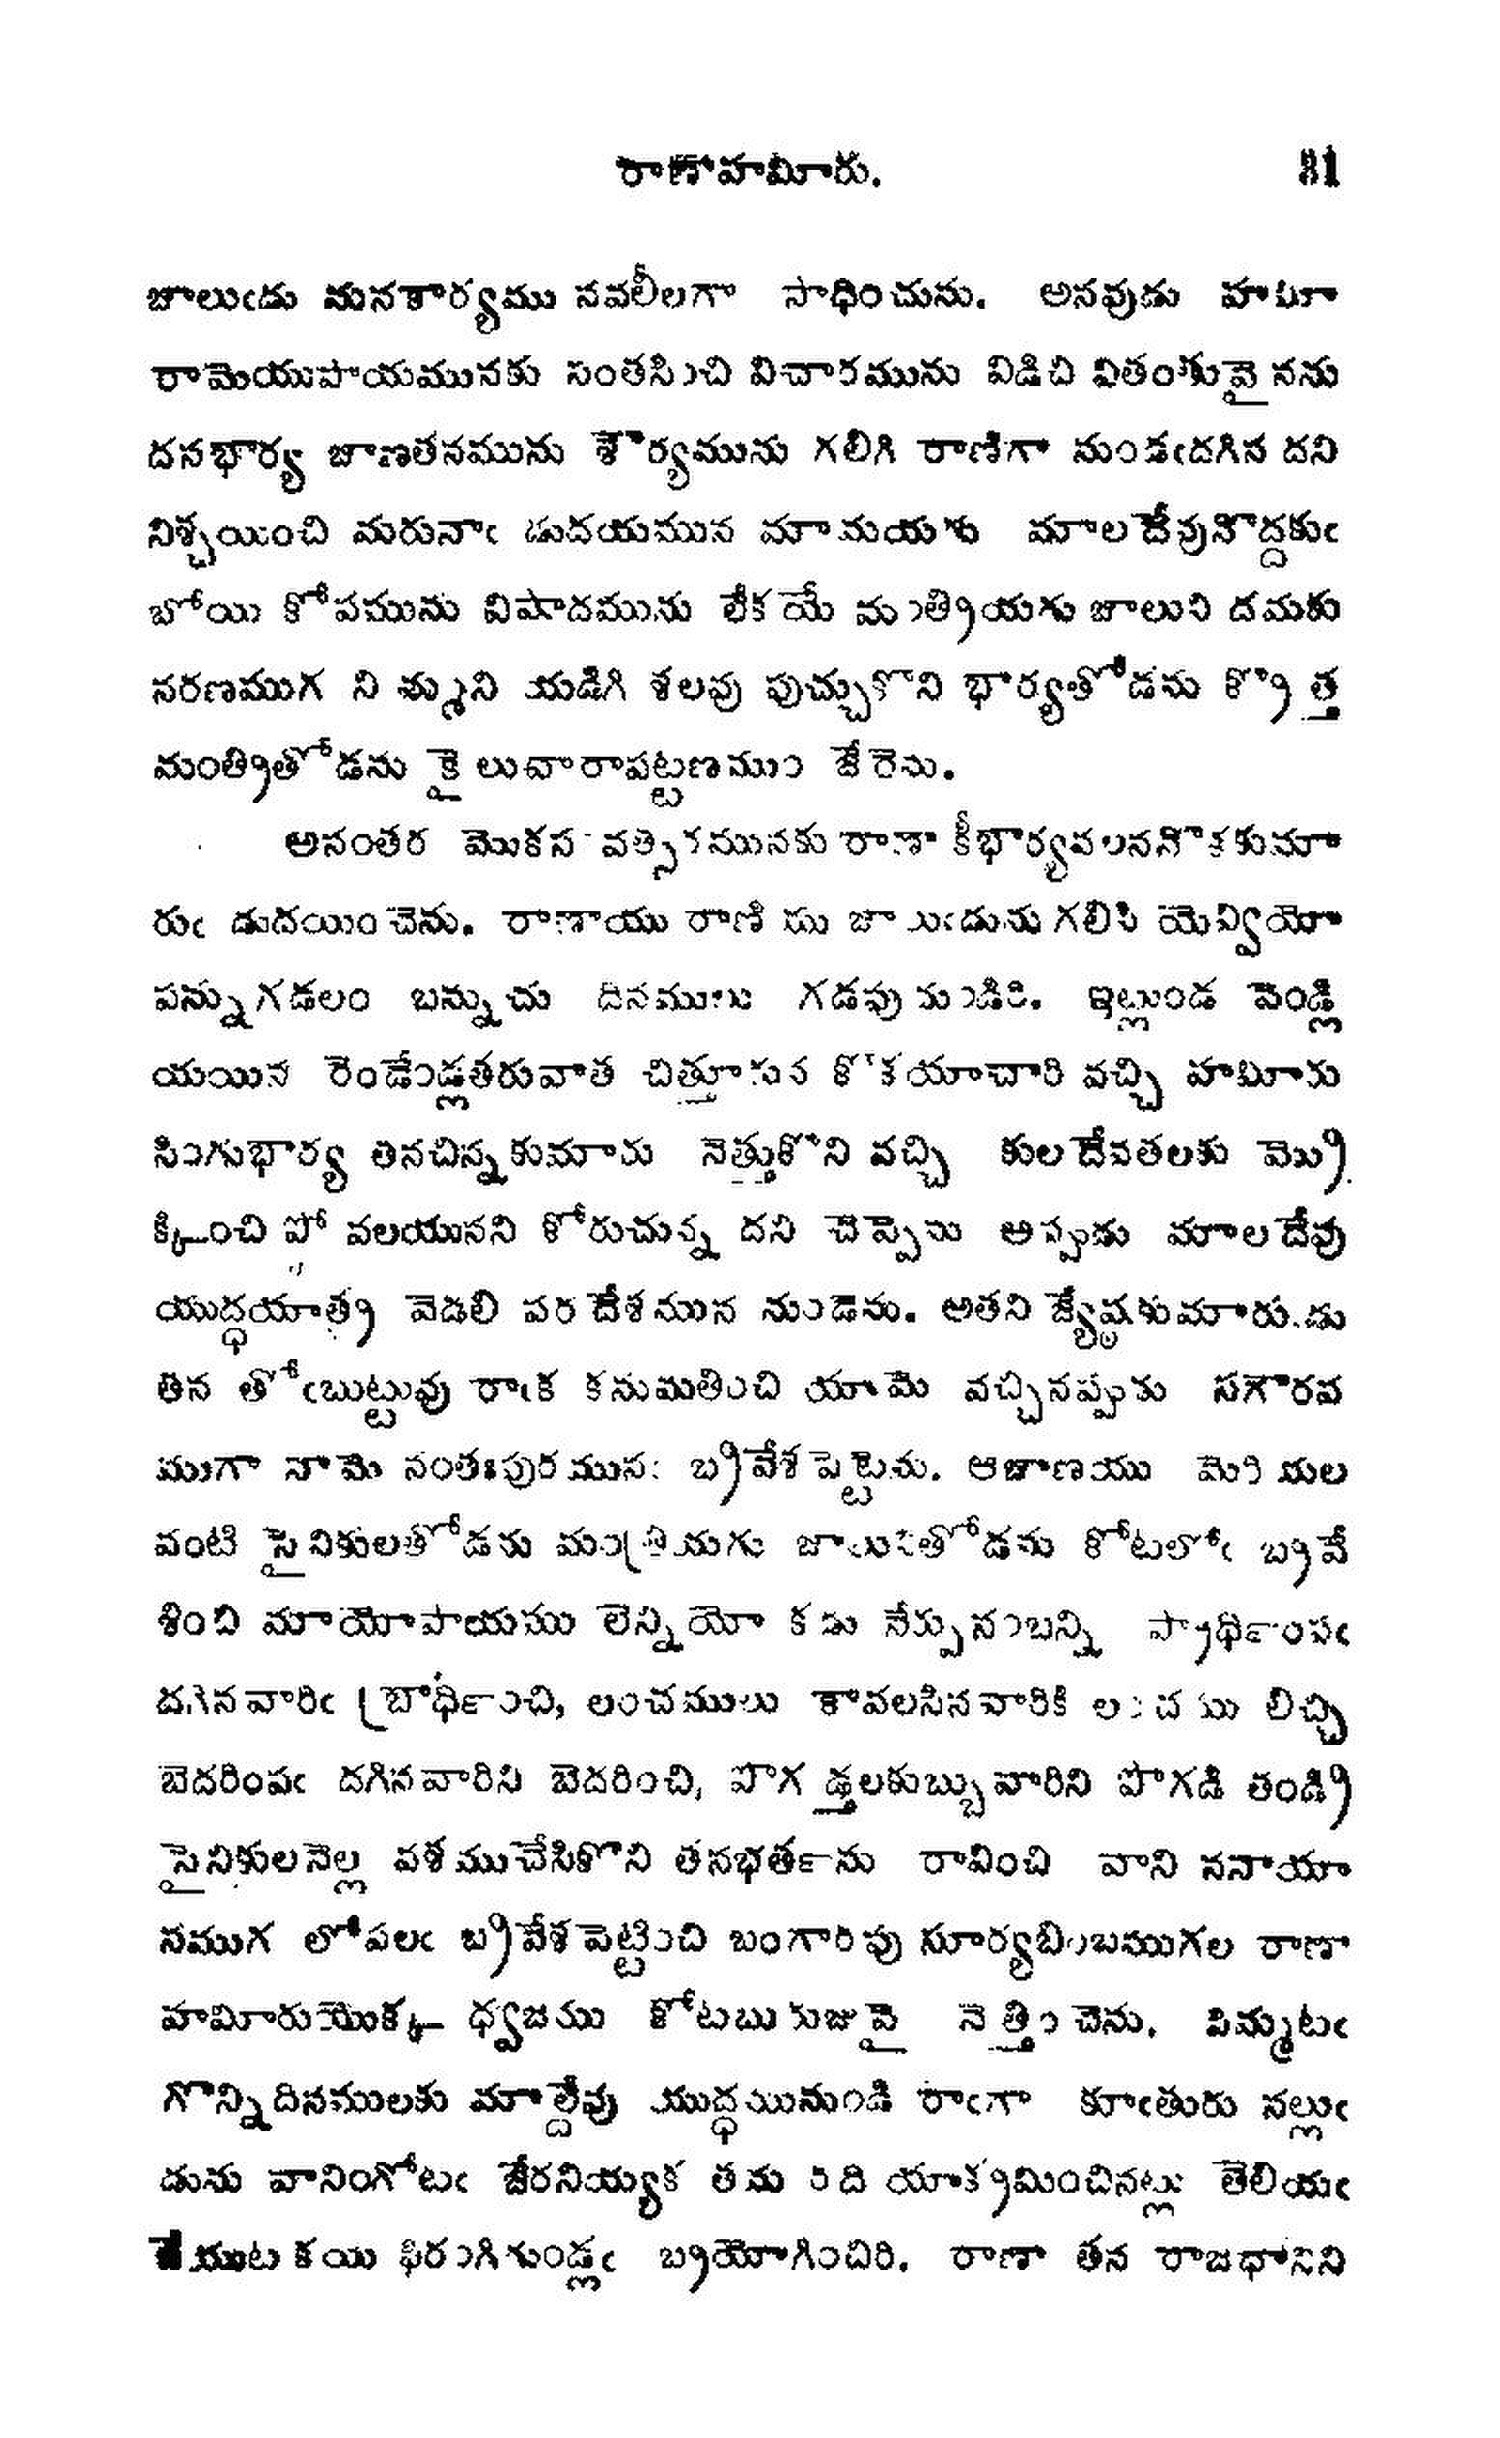జాలుఁడు మనకార్యము నవలీలగా సాధించును. అనవుడు హమీరామెయుపాయమునకు సంతసించి విచారమును విడిచి వితంతువైనను దనభార్య జాణతనమును శౌర్యమును గలిగి రాణిగా నుండఁదగినదని నిశ్చయించి మరునాఁ డుదయమున మామయగు మాల దేవునొద్దకుఁ బోయి కోపమును విషాదమును లేకయే మంత్రియగు జాలుని దమకునరణముగ నిమ్మని యడిగి శలవు పుచ్చుకొని భార్యతోడను కొత్త మంత్రితోడను కైలు వారాపట్టణము జేరెను.

అనంతర మొకసంవత్సరమునకు రాణా కీభార్యవలన నొకకుమారుఁ డుదయించెను. రాణాయు రాణియు జాలుఁడును గలిసి యెవ్వియో పన్నుగడలం బన్నుచు దినములు గడపుచుండిరి. ఇట్లుండ పెండ్లియయిన రెండేండ్ల తరువాత చిత్తూరున కోకయాచారి వచ్చి హమీరు సింగుభార్య తనచిన్న కుమారు నెత్తుకొని వచ్చి కుల దేవతలకు మ్రోక్కించి పోవలయునని కోరుచున్న దని చెప్పెను. అప్పుడు మాలదేవు యుద్ధయాత్ర వెడలి పర దేశమున నుండెను. అతని జ్యేష్ట కుమారుడు తన తోఁబుట్టువు రాఁక కనుమతించి యామే వచ్చినప్పుడు సగౌరవముగా నామె నంతఃపురమున: బ్రవేశ పెట్టెను. ఆజాణయు మెరియల వంటి సైనికులతోడను మంత్రియగు జాలుని తోడను కోటలోఁ బ్రవేశించి మాయోపాయము లెన్నియో కడు నేర్పునంబన్ని ప్రాధి౯ంపఁ దగిన వారిఁ బ్రాధి౯ంచి, లంచములు కావలసిన వారికి లంచము లిచ్చి బెదరింపఁ దగిన వారిని బెదరించి, పొగడ్తలకుబ్బు వారిని పొగడి తండ్రి సైనికుల నెల్ల వశము చేసికొని తనభత౯ను రావించి వాని ననాయానముగ లోపలఁ బ్రవేశ పెట్టించి బంగారపు సూర్యబింబముగల రాణా హమీరు యొక్క ధ్వజము కోటబురుజుపై నెత్తించెను. పిమ్మట గోన్ని దినములకు మాల్దీవు యుద్ధము నుండి రాగా కూఁతురు నల్లుఁడును వానింగోటఁ జేరనియ్యక తమ రిది యాక్రమించినట్లు తెలియఁచేయుట కయి ఫిరంగి గుండ్ల బ్రయోగించిరి. రాణా తన రాజధానిని